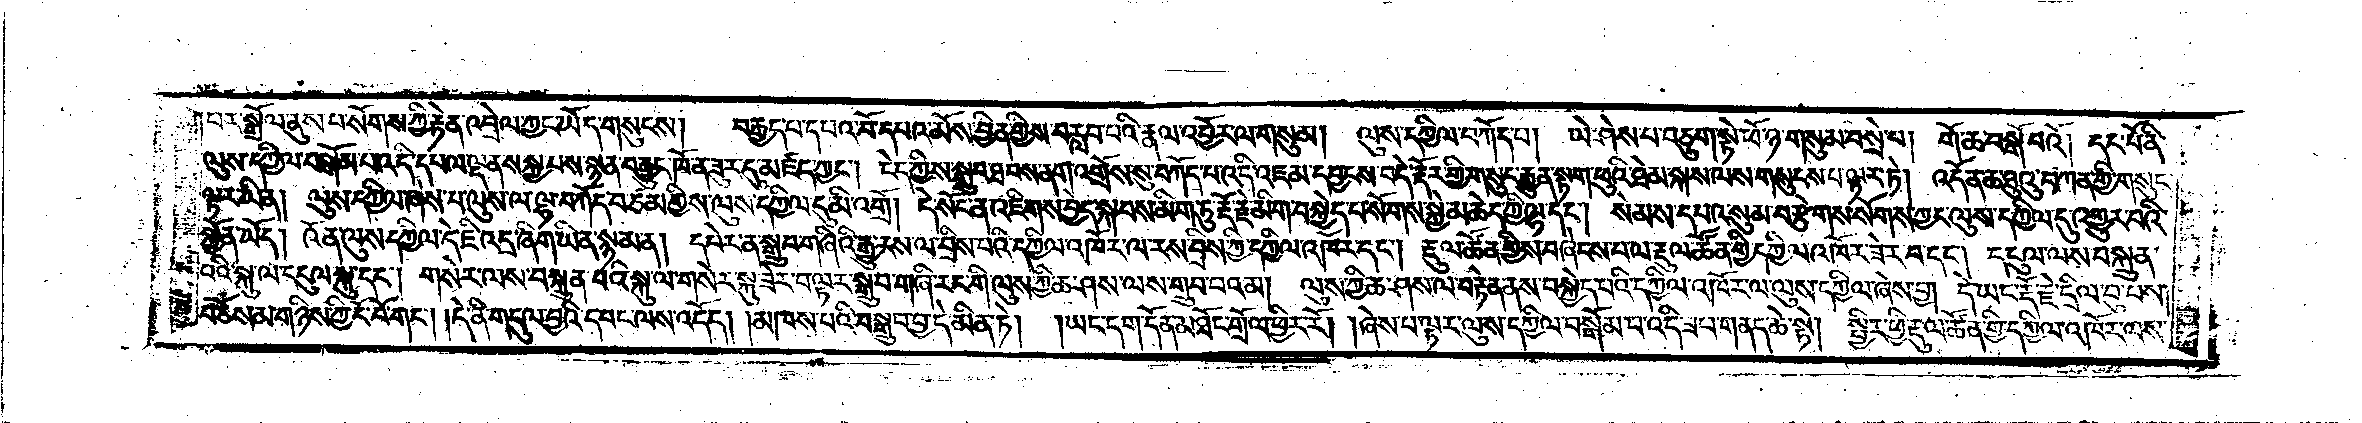པར་སྒྲོལ་ནུས་པ་སོགས་ཀྱི་རྟེན་འབྲེལ་ཀྱང་ཡོད་གསུངས། བརྒྱད་པ་དཔའ་བོ་དཔའ་མོས་བྱིན་གྱིས་བརླབ་པའི་རྣལ་འབྱོར་ལ་གསུམ། ལུས་དཀྱིལ་བཀོད་པ། ཡེ་ཤེས་པ་བཅུག་སྟེ་ཕོ་ཉ་གསུམ་བསྲེ་བ། གོ་ཆ་བགོ་བའོ། དང་པོ་ནི།
ལུས་དཀྱིལ་བསྒོམ་པ་འདི་དཔལ་ལྡན་ས་སྐྱ་པས་སྙན་བརྒྱུད་ཁོ་ན་ཟུར་དུ་མཛད་ཀྱང་། དེད་ཀྱིས་སྒྲུབ་ཐབས་ནག་འགྲོས་སུ་བཀོད་པ་འདི་འཇམ་དབྱངས་བདེ་རྡོར་གྱི་གསུང་རྒྱུན་སྟག་ཕུའི་ཐེམ་སྐས་ལས་གསུངས་པ་ལྟར་ཏེ། འདོན་ཆ་ཐུའུ་བཀྭན་གྱི་གསུང་
ལྟར་ཡིན། ལུས་དཀྱིལ་ཞེས་པ་ལུས་ལ་ལྷ་བཀོད་པ་ཙམ་གྱིས་ལུས་དཀྱིལ་དུ་མི་འགྲོ། དེ་སོང་ན་འཇིགས་བྱེད་སྐབས་མིག་ཏུ་རྡོ་རྗེ་མིག་བསྐྱེད་པ་སོགས་སྐྱེ་མཆེད་ཀྱི་ལྷ་དང་། སེམས་དཔའ་སུམ་བརྩེགས་སོགས་ཀྱང་ལུས་དཀྱིལ་དུ་འགྱུར་བའི་
སྐྱོན་ཡོད། འོ་ན་ལུས་དཀྱིལ་དེ་ཇི་འདྲ་ཞིག་ཡིན་སྙམ་ན། དཔེར་ན་སྒྲུབ་གཞིའི་རྒྱུ་རས་ལ་བྲིས་པའི་དཀྱིལ་འཁོར་ལ་རས་བྲིས་ཀྱི་དཀྱིལ་འཁོར་དང་། རྡུལ་ཚོན་གྱིས་བཞེངས་པ་ལ་རྡུལ་ཚོན་གྱི་དཀྱིལ་འཁོར་ཟེར་བ་དང་། དངུལ་ལས་བསྐྲུན་
པའི་སྐུ་ལ་དངུལ་སྐུ་དང་། གསེར་ལས་བསྐྲུན་པའི་སྐུ་ལ་གསེར་སྐུ་ཟེར་བ་ལྟར་སྒྲུབ་གཞི་རང་གི་ལུས་ཀྱི་ཆ་ཤས་ལས་གྲུབ་པའམ། ལུས་ཀྱི་ཆ་ཤས་ལ་བརྟེན་ནས་བསྐྱེད་པའི་དཀྱིལ་འཁོར་ལ་ལུས་དཀྱིལ་ཞེས་བྱ། དེ་ཡང་རྡོ་རྗེ་དྲིལ་བུ་པས།
བཅོས་མ་གཉིས་ཀྱི་ངོ་བོ་གང་། །དེ་ནི་གདུལ་བྱའི་དབང་ལས་འདོད། །མཁས་པའི་བསྒྲུབ་བྱ་དེ་མིན་ཏེ། །ཡང་དག་དོན་མཐོང་གྲོལ་ཕྱིར་རོ། །ཞེས་པ་ལྟར་ལུས་དཀྱིལ་བསྒོམ་པ་འདི་ཟབ་གནད་ཆེ་སྟེ། སྤྱིར་ཕྱི་རྡུལ་ཚོན་གྱི་དཀྱིལ་འཁོར་ལས་